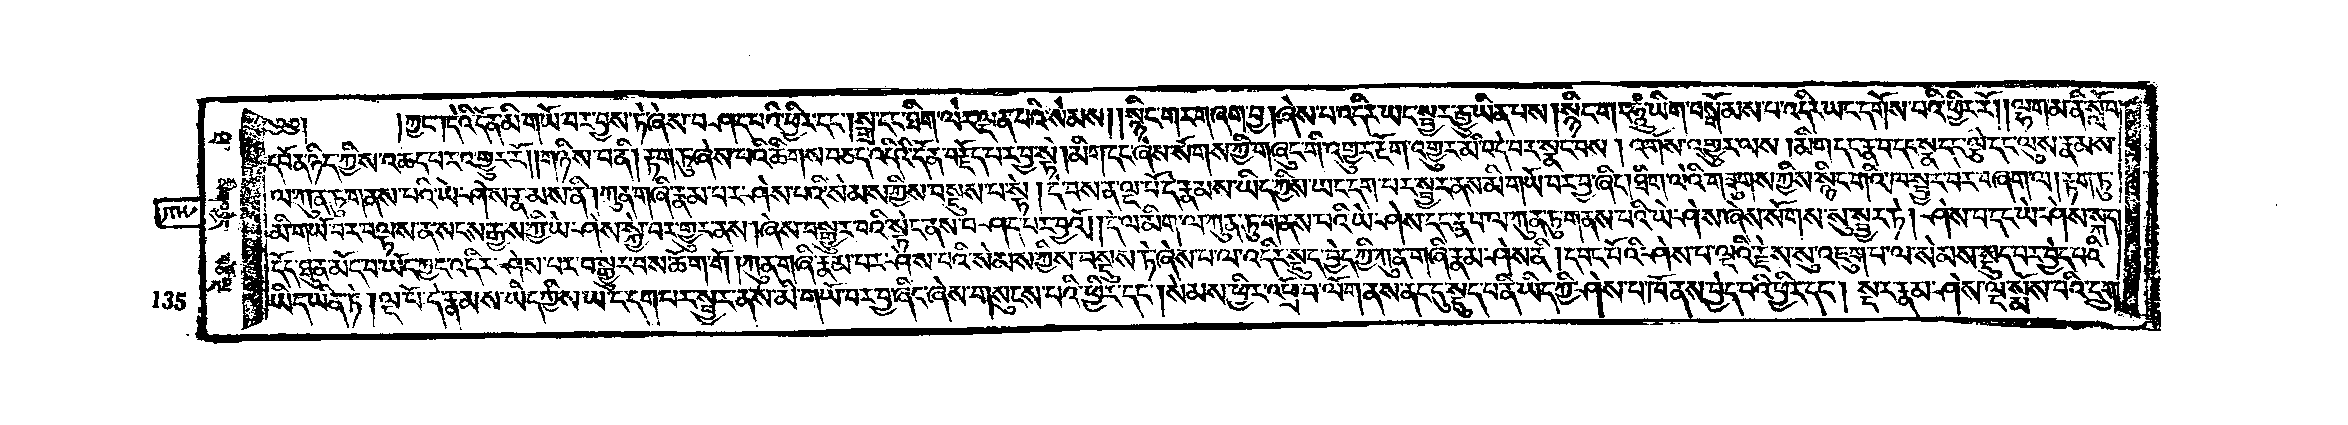༄༅། །ཀྱང་། དེའི་དོན་མི་གཡོ་བར་བྱས་ཏེ་ཞེས་བཤད་པའི་ཕྱིར་དང་། སྒྲ་དང་ཐིག་ལེར་ལྡན་པའི་སེམས། །སྙིང་གར་གཞག་བྱ། ཞེས་པ་འདིར་ཡང་སྦྱར་རྒྱུ་ཡིན་པས། སྙིང་གར་ཧཱུཾ་ཡིག་བསྒོམས་པ་འདིར་ཡང་དགོས་པའི་ཕྱིར་རོ། །ལྷག་མ་ནི་སློབ་
དཔོན་ཉིད་ཀྱིས་འཆད་པར་འགྱུར་རོ། །གཉིས་པ་ནི། རྟག་ཏུ་ཞེས་པའི་ཚིགས་བཅད་འདིའི་དོན་བརྗོད་པར་བྱ་སྟེ། མིག་དང་ཞེས་སོགས་ཀྱི་གཞུང་གི་འགྱུར་རྡོག་འགྱུར་མི་བདེ་བར་སྣང་བས། འགོས་འགྱུར་ལས། མིག་དང་རྣ་བ་དང་སྣ་དང་ལྕེ་དང་ལུས་རྣམས་
ལ་ཀུན་ཏུ་གནས་པའི་ཡེ་ཤེས་རྣམས་ནི། ཀུན་གཞི་རྣམ་པར་ཤེས་པའི་སེམས་ཀྱིས་བསྡུས་པ་སྟེ། དེ་བས་ན་ལྔ་པོ་དེ་རྣམས་ཡིད་ཀྱིས་ཡང་དག་པར་སྦྱར་ནས་མི་གཡོ་བར་བྱ་ཞིང་། ཐིག་ལེའི་གཟུགས་ཀྱིས་སྙིང་གའི་ཁ་སྦྱར་བར་བཞག་ལ། རྟག་ཏུ་
མི་གཡོ་བར་བལྟས་ན་སངས་རྒྱས་ཀྱི་ཡེ་ཤེས་སྐྱེ་བར་གྱུར་ནས། ཞེས་བསྒྱུར་བའི་སྟེང་ནས་བཤད་པར་བྱའོ། །དེ་ལ་མིག་ལ་ཀུན་ཏུ་གནས་པའི་ཡེ་ཤེས་དང་རྣ་བ་ལ་ཀུན་ཏུ་གནས་པའི་ཡེ་ཤེས་ཞེས་སོགས་སུ་སྦྱར་ཏེ། ཤེས་པ་དང་ཡེ་ཤེས་སྐད་
དོད་ཐུན་མོང་བ་ཡོད་ཀྱང་འདིར་ཤེས་པར་བསྒྱུར་བས་ཆོག་གོ །ཀུན་གཞི་རྣམ་པར་ཤེས་པའི་སེམས་ཀྱིས་བསྡུས་ཏེ་ཞེས་པ་ལ་འདིར་སྡུད་བྱེད་ཀྱི་ཀུན་གཞི་རྣམ་ཤེས་ནི། དབང་པོའི་ཤེས་པ་ལྔའི་རྗེས་སུ་འཇུག་པ་ལ་སེམས་སྡུད་པར་བྱེད་པའི་
ཡིད་ཡིན་ཏེ། ལྔ་པོ་དེ་རྣམས་ཡིད་ཀྱིས་ཡང་དག་པར་སྦྱར་ནས་མི་གཡོ་བར་བྱ་ཞིང་ཞེས་གསུངས་པའི་ཕྱིར་དང་། སེམས་ཕྱིར་འཕྲོ་བ་ལོག་ནས་ནང་དུ་སྡུད་པ་ནི་ཡིད་ཀྱི་ཤེས་པ་ཁོ་ནས་བྱེད་པའི་ཕྱིར་དང་། སྔར་རྣམ་ཤེས་ལྔ་སྨོས་པའི་དྲུག་